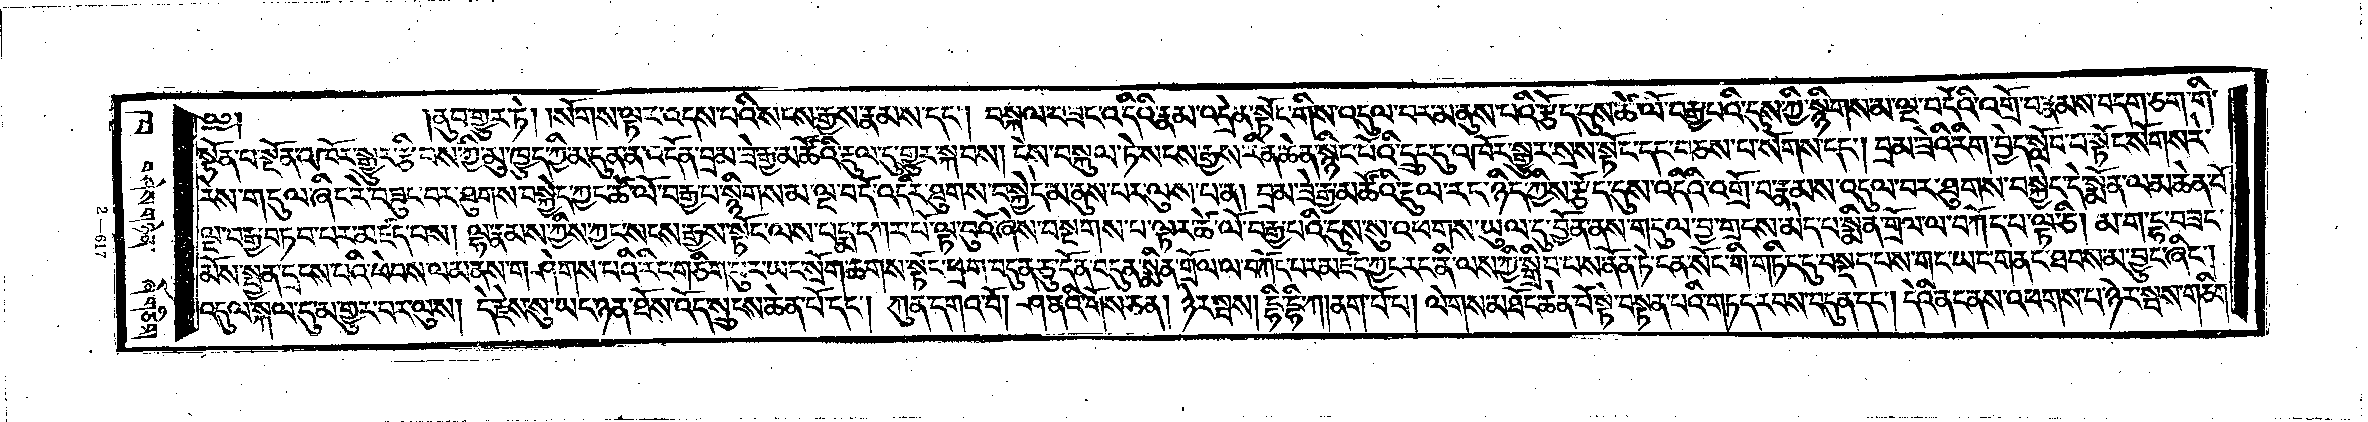༄༅། །ནུབ་གྱུར་ཏེ། །སོགས་ལྟར་འདས་པའི་སངས་རྒྱས་རྣམས་དང་། བསྐལ་བཟང་འདིའི་རྣམ་འདྲེན་སྟོང་གིས་འདུལ་བར་མ་ནུས་པའི་རྩོད་དུས་ཚེ་ལོ་བརྒྱ་བའི་དུས་ཀྱི་སྙིགས་མ་ལྔ་བདོའི་འགྲོ་བ་རྣམས་བདག་ཅག་གི་
སྟོན་པ་སྔོན་འཁོར་སྒྱུར་རྩིབས་ཀྱི་མུ་ཁྱུད་ཀྱི་མདུན་ན་འདོན་བྲམ་ཟེ་རྒྱ་མཚོའི་རྡུལ་དུ་གྱུར་སྐབས། དེས་བསྐུལ་ཏེ་སངས་རྒྱས་རིན་ཆེན་སྙིང་པོའི་དྲུང་དུ་འཁོར་སྒྱུར་སྲས་སྟོང་དང་བཅས་པ་སོགས་དང་། བྲམ་ཟེའི་རིག་བྱེད་སློབ་པ་སྟོང་སོགས་རེ་
རེས་གདུལ་ཞིང་རེ་བཟུང་བར་ཐུགས་བསྐྱེད་ཀྱང་ཚེ་ལོ་བརྒྱ་པ་སྙིགས་མ་ལྔ་བདོ་འདིར་ཐུགས་བསྐྱེད་མ་ནུས་པར་ལུས་པ་ན། བྲམ་ཟེ་རྒྱ་མཚོའི་རྡུལ་རང་ཉིད་ཀྱིས་རྩོད་དུས་འདིའི་འགྲོ་བ་རྣམས་འདུལ་བར་ཐུགས་བསྐྱེད་དེ་སྨོན་ལམ་ཆེན་པོ་
ལྔ་བརྒྱ་བཏབ་པར་མཛད་པས། ལྷ་རྣམས་ཀྱིས་ཀྱང་སངས་རྒྱས་སྟོང་ལས་པདམ་དཀར་པོ་ལྟ་བུའོ་ཞེས་བསྔགས་པ་ལྟར་ཚེ་ལོ་བརྒྱ་པའི་དུས་སུ་འཕགས་ཡུལ་དུ་བྱོན་ནས་གདུལ་བྱ་གྲངས་མེད་པ་སྨིན་གྲོལ་ལ་བཀོད་པ་ལྟ་ཅི། མ་ག་དྷ་བཟང་
མོས་སྤྱན་དྲངས་པའི་ཕེབས་ལམ་ནས་གཤེགས་པའི་རིང་གཅིག་པུར་ཡང་སྲོག་ཆགས་སྟོང་ཕྲག་བདུན་ཅུ་དོན་བདུན་སྨིན་གྲོལ་ལ་བཀོད་པར་མཛད་ཀྱང་རང་ནི་ལས་ཀྱི་སྒྲིབ་པས་ནོན་ཏེ་ངན་སོང་གི་གཏིང་དུ་བསྡད་པས་གང་ཡང་གནང་ཐབས་མ་བྱུང་ཞིང་།
འདུལ་སྐལ་དུ་མ་གྱུར་བར་ལུས། དེ་རྗེས་སུ་ཡང་ཉན་ཐོས་འོད་སྲུངས་ཆེན་པོ་དང་། ཀུན་དགའ་བོ། ཤ་ནའི་གོས་ཅན། ཉེར་སྦས། དྷི་དྷི་ཀ། ནག་པོ་པ། ལེགས་མཐོང་ཆེན་པོ་སྟེ་བསྟན་པའི་གཏད་རབས་བདུན་དང་། དེའི་ནང་ནས་འཕགས་པ་ཉེར་སྦས་གཅིག་